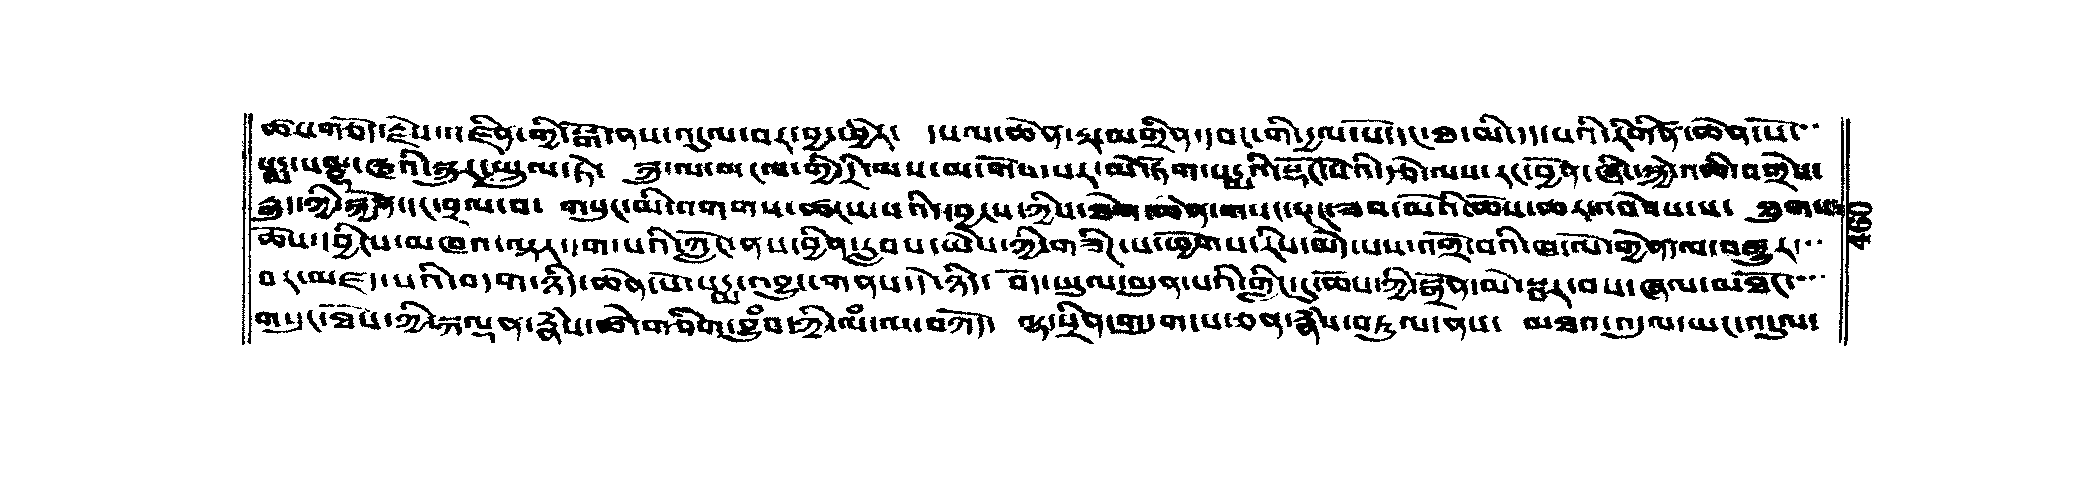ཚར་གཅོད་རྗེས་འཛིན་གྱི་སྒོ་ནས་འདུལ་བར་བྱ་སྟེ། དཔལ་ཆེན་རྟ་མགྲིན་དབང་གི་རྒྱལ་པོ་དང་ཐ་མི་དད་པའི་རིག་འཛིན་ཆེན་པོ་
པདྨ་སམྦྷ་ཝའི་སྐུར་སྤྲུལ་ཏེ། སྐུ་ལ་མངལ་གྱི་དྲི་མས་མ་གོས་པར་མེ་ཏོག་པདྨའི་སྡོང་པོའི་རྩེ་ལས་རང་བྱོན་ཞིང་སྐྱེ་འཆི་བགྲེས་
རྒུད་ཀྱི་སྐྱོན་དང་བྲལ་བ། གསུང་མི་འགག་ཚངས་པའི་དབྱངས་ཀྱིས་ཐེག་ཆེན་གསང་སྔགས་ཟབ་མོའི་ཆོས་ཆར་འབེབས་པ། ཐུགས་
ཆོས་དབྱིངས་མཁའ་དག་པའི་ཀློང་ནས་བྱིན་རླབས་ཡེ་ཤེས་ཀྱི་གཟིགས་པ་ཕྱོགས་རིས་མེད་པས་འགྲོ་བའི་ཁ་ལོ་གྱེན་ལ་བསྒྱུར་
བར་མཛད་པའི་བདག་ཉིད། བོད་ཡུལ་མུན་པའི་གླིང་དུ་ཆོས་ཀྱི་སྒྲོན་མེ་སྦར་བས་ཞལ་མཐོང་
གསུང་ཐོས་ཀྱི་སྐལ་ལྡན་རྣམས་ཚེ་གཅིག་བྱང་ཆུབ་ཀྱི་ལམ་ལ་བཀོད། ལྷ་སྲིན་གདུག་པ་ཅན་རྣམས་བཏུལ་ནས། མཐའ་འདུལ་ཡང་འདུལ